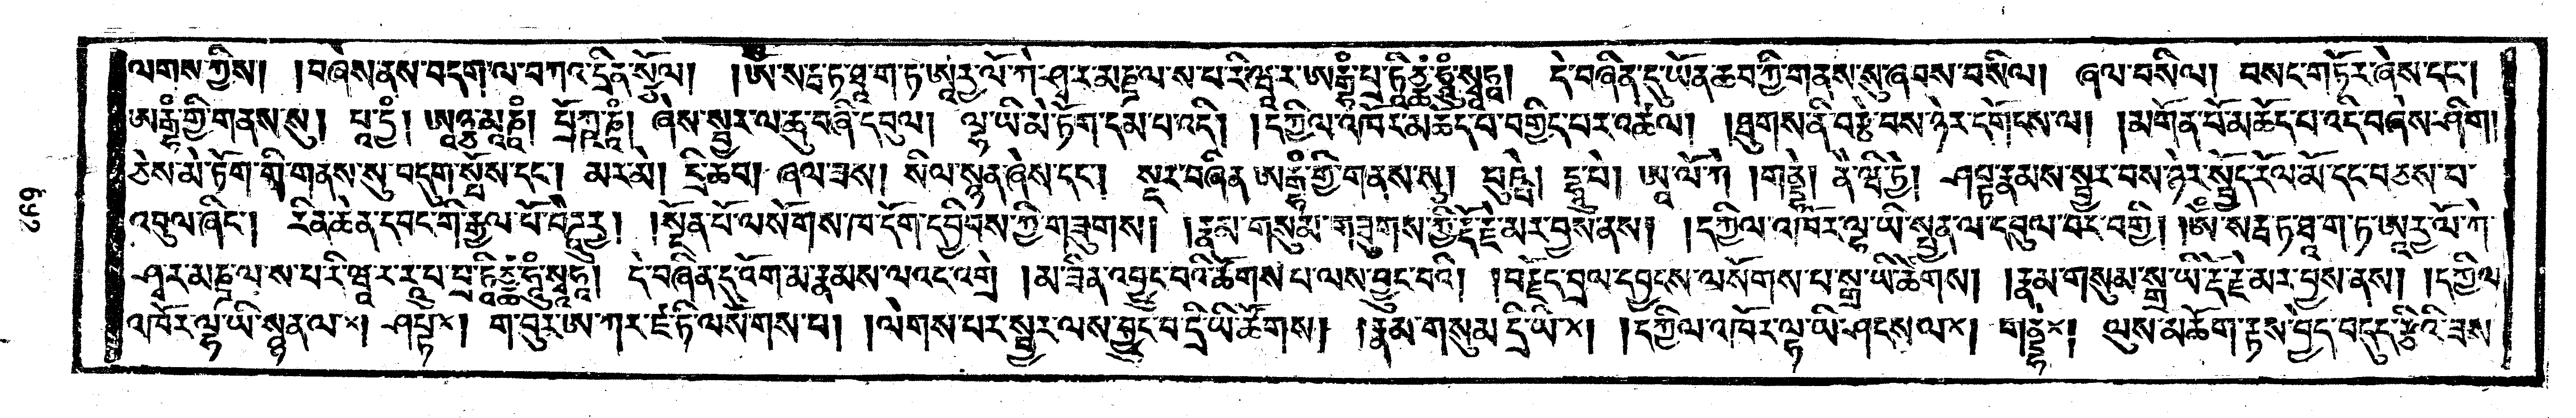ལགས་ཀྱིས། །བཞེས་ནས་བདག་ལ་བཀའ་དྲིན་སྩོལ། །ཨོཾ་ས་རྦ་ཏ་ཐཱ་ག་ཏ་ཨཱརྱ་ལོ་ཀེ་ཤྭ་ར་མཎྜ་ལ་ས་པ་རིཝཱ་ར་ཨརྒྷཾ་པྲ་ཏཱིཙྪ་ཧཱུཾ་སྭཱཏཱ། དེ་བཞིན་དུ་ཡོན་ཆབ་ཀྱི་གནས་སུ་ཞབས་བསིལ། ཞལ་བསིལ། བསང་གཏོར་ཞེས་དང་།
ཨརྒྷཾ་གྱི་གནས་སུ། པཱ་དྱཾ། ཨཱཉྩ་མཱཎཱཾ། པྲོཀྵ་ཨཎཱཾ། ཞེས་སྦྱར་ལ་ཆུ་བཞི་དབུལ། ལྷ་ཡི་མེ་ཏོག་དམ་པ་འདི། །དཀྱིལ་འཁོར་མཆོད་པ་བགྱིད་པར་འཚལ། །ཐུགས་ནི་བརྩེ་བས་ཉེར་དགོངས་ལ། །མགོན་པོ་མཆོད་པ་འདི་བཞེས་ཤིག།
ཅེས་མེ་ཏོག་གི་གནས་སུ་བདུག་སྤོས་དང་། མར་མེ། དྲི་ཆབ། ཞལ་ཟས། སིལ་སྙན་ཞེས་དང་། སྔར་བཞིན་ཨརྒྷཾ་གྱི་གནས་སུ། པུཥྤེ། དྷཱུ་པེ། ཨཱ་ལོ་ཀེ །གནྡྷེ། ནཻ་ཝི་ཏྱེ། ཤཔྟ་རྣམས་སྦྱར་བས་ཉེར་སྤྱོད་རོལ་མོ་དང་བཅས་པ་
འབུལ་ཞིང་། རིན་ཆེན་དབང་གི་རྒྱལ་པོ་བཻཌཱུརྱ། །སྔོན་པོ་ལ་སོགས་ཁ་དོག་དབྱིབས་ཀྱི་གཟུགས། །རྣམ་གསུམ་གཟུགས་ཀྱི་རྡོ་རྗེ་མར་བྱས་ནས། །དཀྱིལ་འཁོར་ལྷ་ཡི་སྤྱན་ལ་དབུལ་བར་བགྱི། །ཨོཾ་སརྦ་ཏ་ཐཱ་ག་ཏ་ཨཱརྱ་ལོ་ཀེ་
ཤྭ་ར་མཎྜ་ལ་ས་པ་རི་ཝཱ་ར་རཱུ་པ་པྲ་ཏཱིཙྪ་ཧཱུཾ་སྭཱ་ཧཱ། དེ་བཞིན་དུ་འོག་མ་རྣམས་ལའང་འགྲེ་།མ་ཟིན་འབྱུང་བའི་ཚོགས་པ་ལས་བྱུང་བའི། །བརྗོད་བྲལ་དབྱངས་ལ་སོགས་པས་གྲ་ཡི་ཚོགས། །རྣམ་གསུམ་སྒྲ་ཡི་རྡོ་རྗེ་མར་བྱས་ནས། །དཀྱིལ་
འཁོར་ལྷ་ཡི་སྙན་ལ་྾། ཤྤྟ྾། ག་བུར་ཨ་ཀར་ཛ་ཏི་ལ་སོགས་པ། །ལེགས་པར་སྦྱར་ལས་བྱུང་བ་དྲི་ཡི་ཚོགས། །རྣམ་གསུམ་དྲི་ཡི་྾། །དཀྱིལ་འཁོར་ལྷ་ཡི་ཤངས་ལ྾་། གནྡྷེ྾། ལུས་མཆོག་རྟས་བྱེད་བདུད་རྩིའི་ཟས་